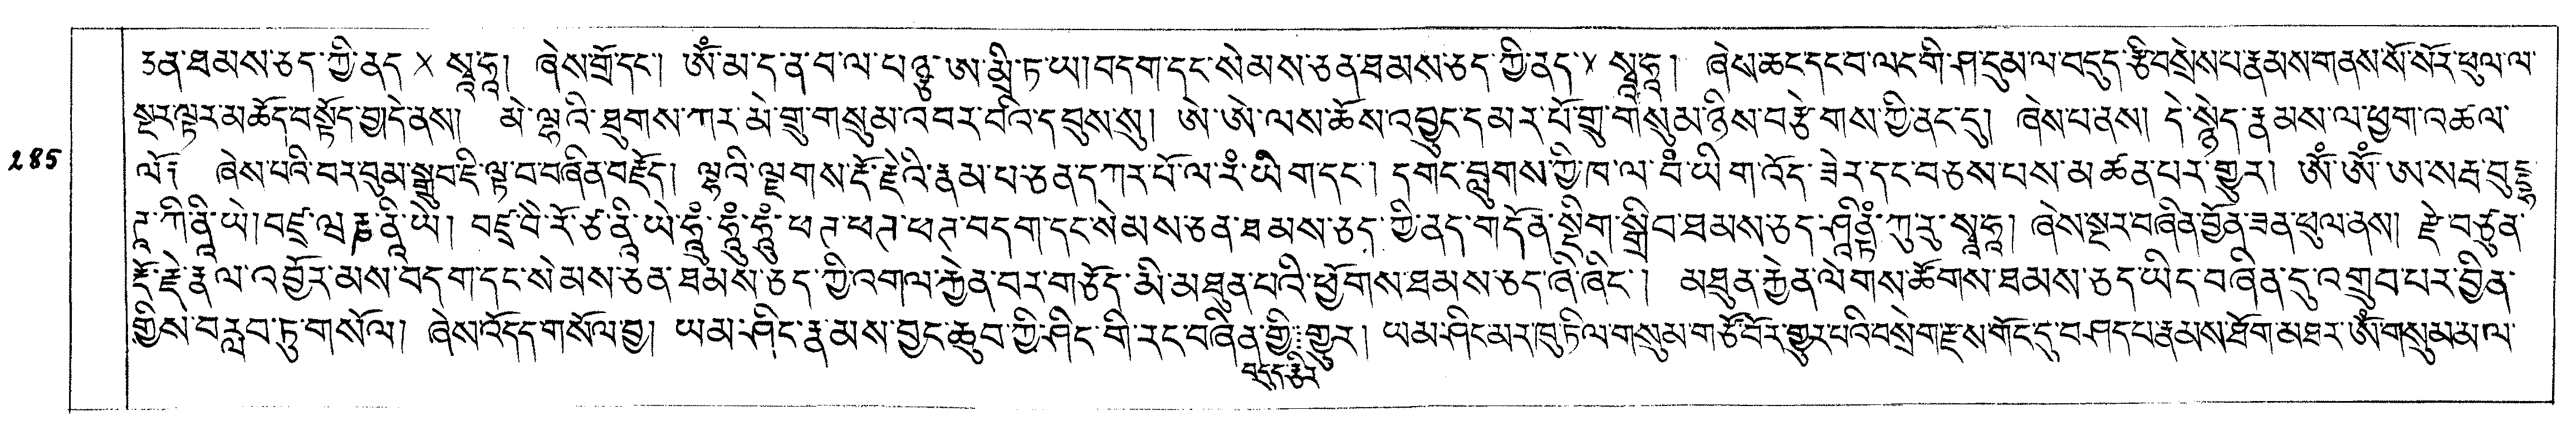ཅན་ཐམས་ཅད་ཀྱི་ནད་྾་?་སྭཱ་ཧཱ། ཞེས་གྲོ་དང་། ཨོཾ་མ་ད་ན་བ་ལ་པཉྩ་ཨ་མྲྀ་ཏཱ་ཡ། བདག་དང་སེམས་ཅན་ཐམས་ཅད་ཀྱི་ནང་྾་?་སྭཱ་ཧཱ། ཞེས་ཆང་དང་བ་ལང་གི་ཤ་དུམ་ལ་བདུད་རྩི་བསྲེས་པ་རྣམས་གནས་སོ་སོར་ཕུལ་ལ་
སྔར་ལྟར་མཆོད་བསྟོང་བྱ། དེ་ནས། མེ་ལྷའི་ཐུགས་ཀར་མེ་གྲུ་གསུམ་འབར་བའི་དབུས་སུ། ཨེ་ཨེ་ལས་ཆོས་འབྱུང་དམར་པོ་གྲུ་གསུམ་ཉིས་བརྩེགས་ཀྱི་ནང་དུ། ཞེས་པ་ནས། དེ་སྙེད་རྣམས་ལ་ཕྱག་འཚལ་
ལོ༑ ༑ཞེས་པའི་བར་བུམ་སྒྲུབ་ཇི་ལྟ་བ་བཞིན་བརྗོད། ལྷའི་ལྔགས་རྡོ་རྗེའི་རྣམ་པ་ཅན་དཀར་པོ་ལ་རཾ་ཡིག་དང་། དགང་བླུགས་ཀྱི་ཁ་ལ་བཾ་ཡིག་འོད་ཟེར་དང་བཅས་པས་མཚན་པར་གྱུར། ཨོཾ་ཨོཾ་ཨོཾ་སརྦ་བུདྡྷ་
ཌཱ་ཀི་ནཱི་ཡེ། བྫྲ་ཝ་རྞ་ནཱི་ཡེ། བྫྲ་བཻ་རོ་ཙ་ནཱི་ཡེ་ཧཱུཾ་ཧཱུཾ་ཧཱུཾ་ཕཊ་ཕཊ་ཕཊ་བདག་དང་སེམས་ཅན་ཐམས་ཅད་ཀྱི་ནད་གདོན་སྡིག་སྒྲིབ་ཐམས་ཅད་ཤཱནྟིཾ་ཀུ་རུ་སྭཱ་ཧཱ། ཞེས་སྔར་བཞིན་བྱོན་ཟན་ཕུལ་ནས། རྗེ་བཙུན་
རྡོ་རྗེ་རྣཾ་ལ་འབྱོར་མས་བདག་དང་སེམས་ཅན་ཐམས་ཅད་ཀྱི་འགལ་རྐྱེན་བར་གཅོད་མི་མཐུན་པའི་ཕྱོགས་ཐམས་ཅད་ཞི་ཞིང་། མཐུན་རྐྱེན་ལེགས་ཚོགས་ཐམས་ཅད་ཡིད་བཞིན་དུ་འགྲུབ་པར་བྱིན་
གྱིས་བརླབ་ཏུ་གསོལ། ཞེས་འདོད་གསོལ་བྱ། ཡམ་ཤིང་རྣམས་བྱང་ཆུབ་ཀྱི་ཤིང་གི་རང་བཞིན་གྱི་བདུད་རྩིར་གྱུར། ཡམ་ཤིང་མར་བུ་ཏིལ་གསུམ་གཙོ་བོར་གྱུར་པའི་བསྲེག་རྫས་གོང་དུ་བཤད་པ་རྣམས་ཐོག་མཐར་ཨོཾ་གསུམ་མ་ལ་